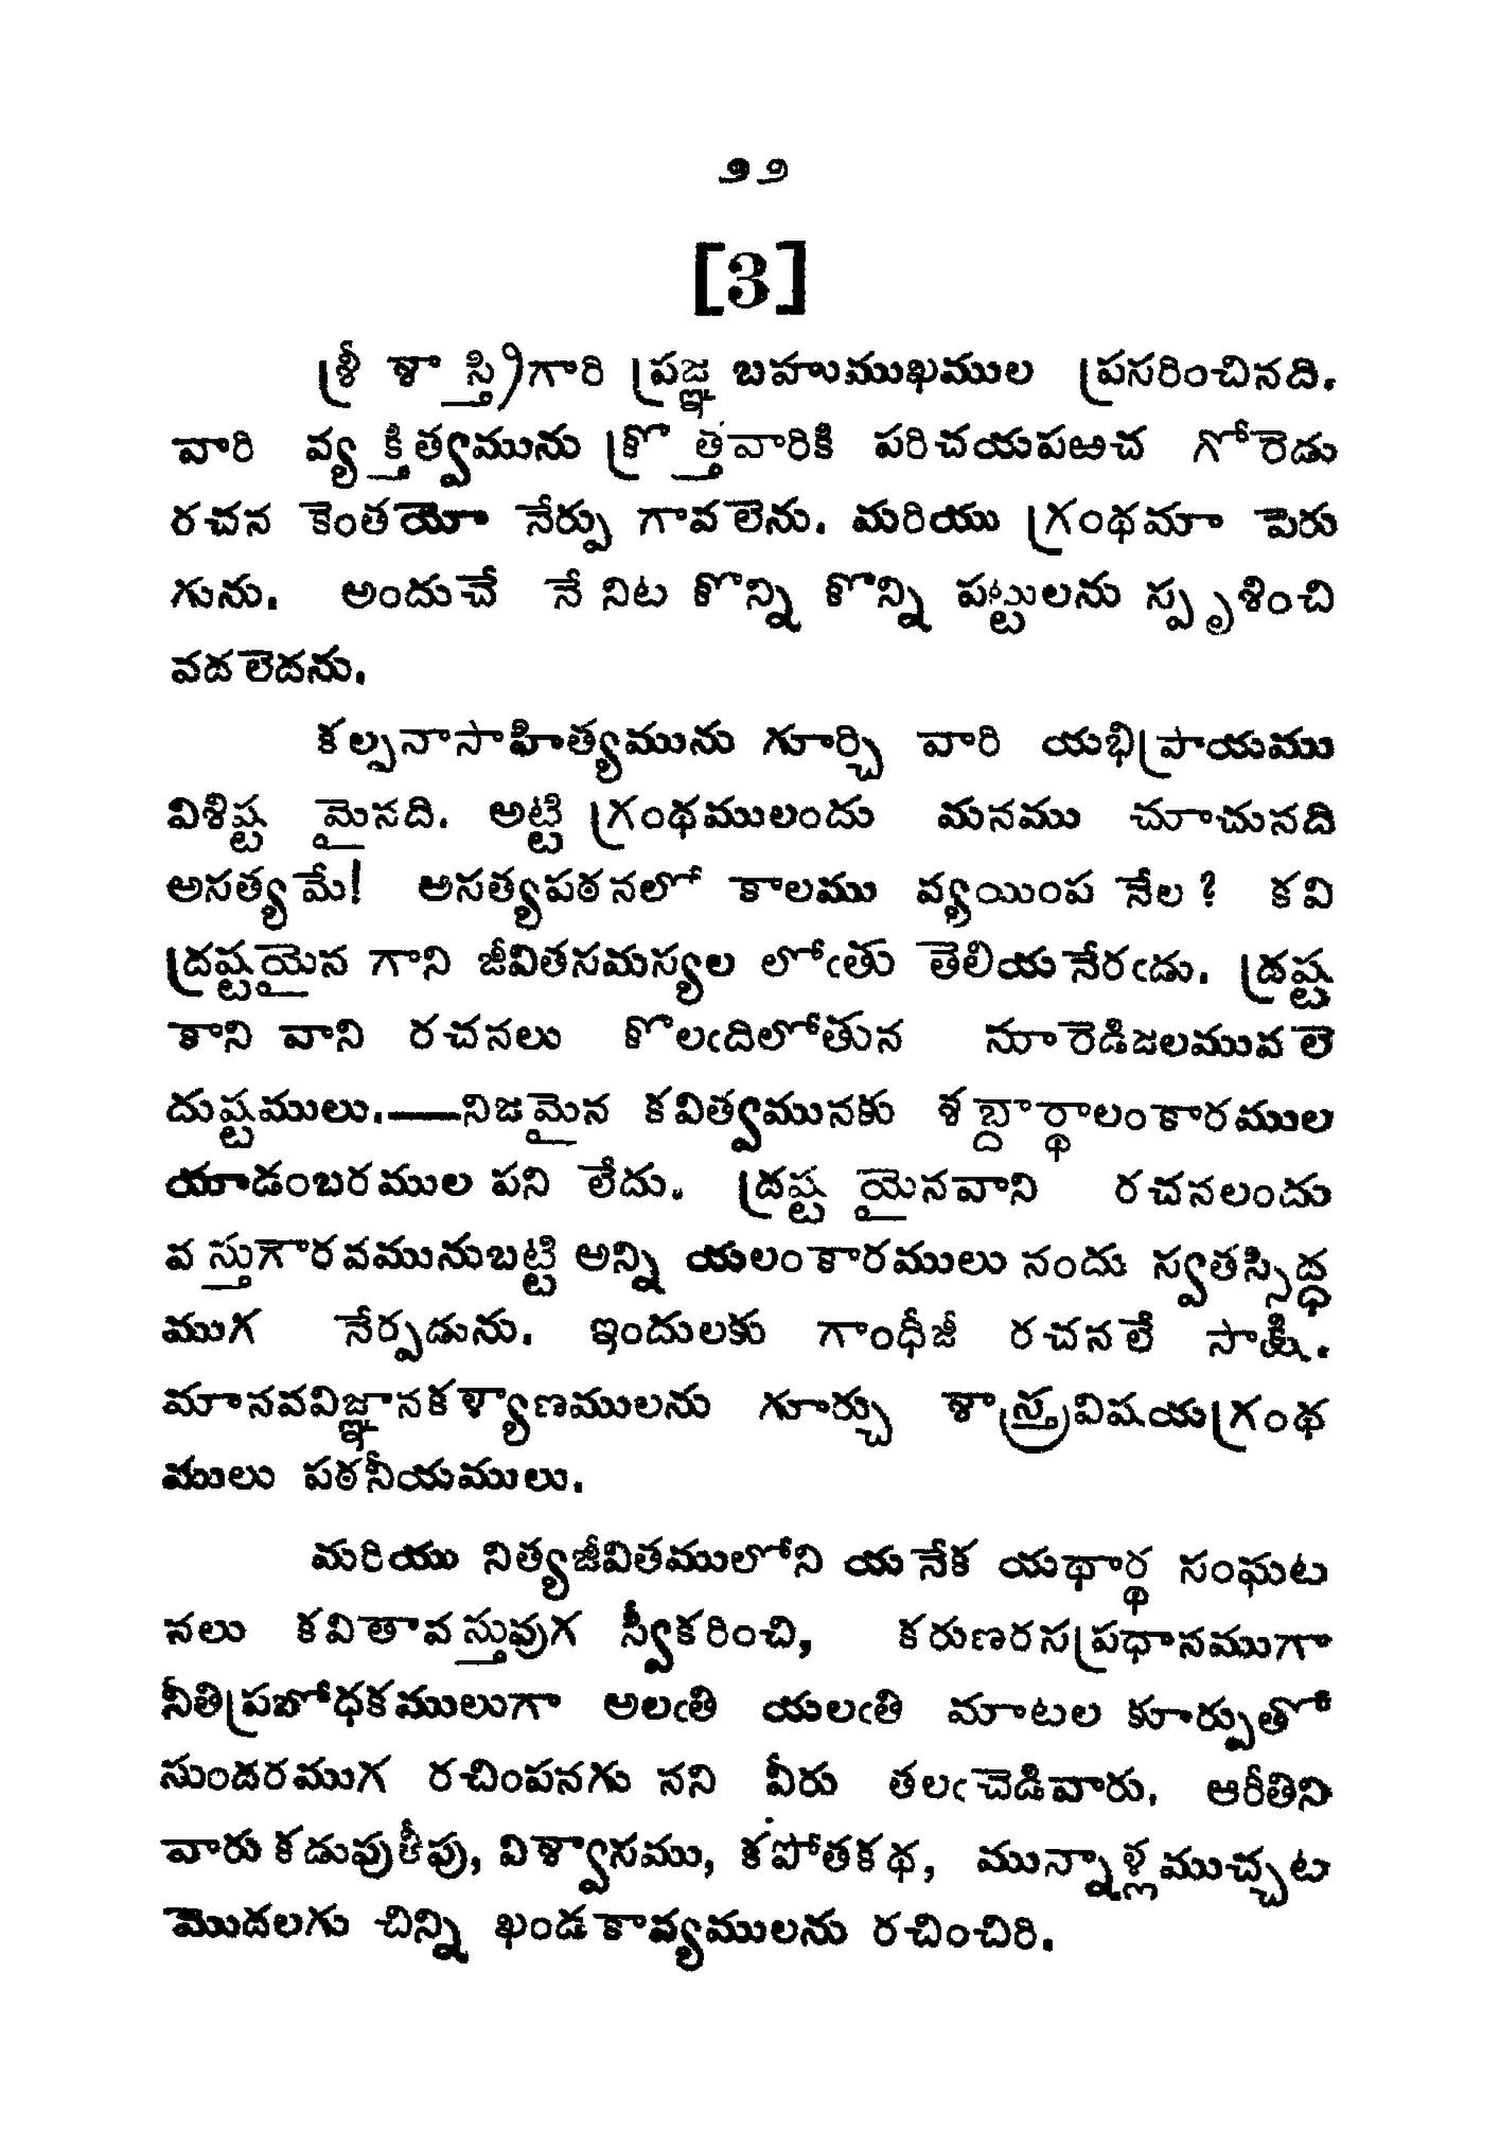[3]
 శ్రీ శాస్త్రిగారి ప్రజ్ఞ బహుముఖముల ప్రసంరించినది. వారి వ్యక్తిత్వమును క్రొత్తవారికి పరిచయపఱచ గోరెడు రచన కెంతయో నేర్పు గావలెను. మరియు గ్రంథమా పెరుగును. అందుచే నేనిట కొన్ని కొన్ని పట్టులను స్పృశించి వదలెదను.

 కల్పనాసాహిత్యమును గూర్చి వారి యభిప్రాయము విశిష్ట మైనది. అట్టి గ్రంథములందు మనము చూచునది అసత్యమే! అసత్యపఠనలో కాలము వ్యయింప నేల? కవి ద్రష్టయైన గాని జీవితసమస్యల లోఁతు తెలియనేరఁడు. ద్రష్ట కాని వాని రచనలు కొలఁదిలోతున నూరెడిజలమువలె దుష్టములు.-నిజమైన కవిత్వమునకు శబ్దార్ధాలంకారముల యాడంబరముల పని లేదు. ద్రష్ట యైనవాని రచనలందు వస్తుగౌరవమునుబట్టి అన్ని యలంకారములు నందు స్వతస్సిద్ధముగ నేర్పడును. ఇందులకు గాంధీజీ రచనలే సాక్షి. మానవవిజ్ఞానకళ్యాణములను గూర్చు శాస్త్రవిషయగ్రంథములు పఠనీయములు.

 మరియు నిత్యజీవితములోని యనేక యథార్ధ సంఘటనలు కవితావస్తువుగ స్వీకరించి, కరుణరసప్రధానముగా నీతిప్రబోధకములుగా అలఁతి యలఁతి మాటల కూర్పుతో సుందరముగ రచింపనగు నని వీరు తలఁచెడివారు. ఆరీతిని వారు కడుపుతీపు, విశ్వాసము, కపోతకధ, మున్నాళ్లముచ్చట మొదలగు చిన్ని ఖండకావ్యములను రచించిరి.